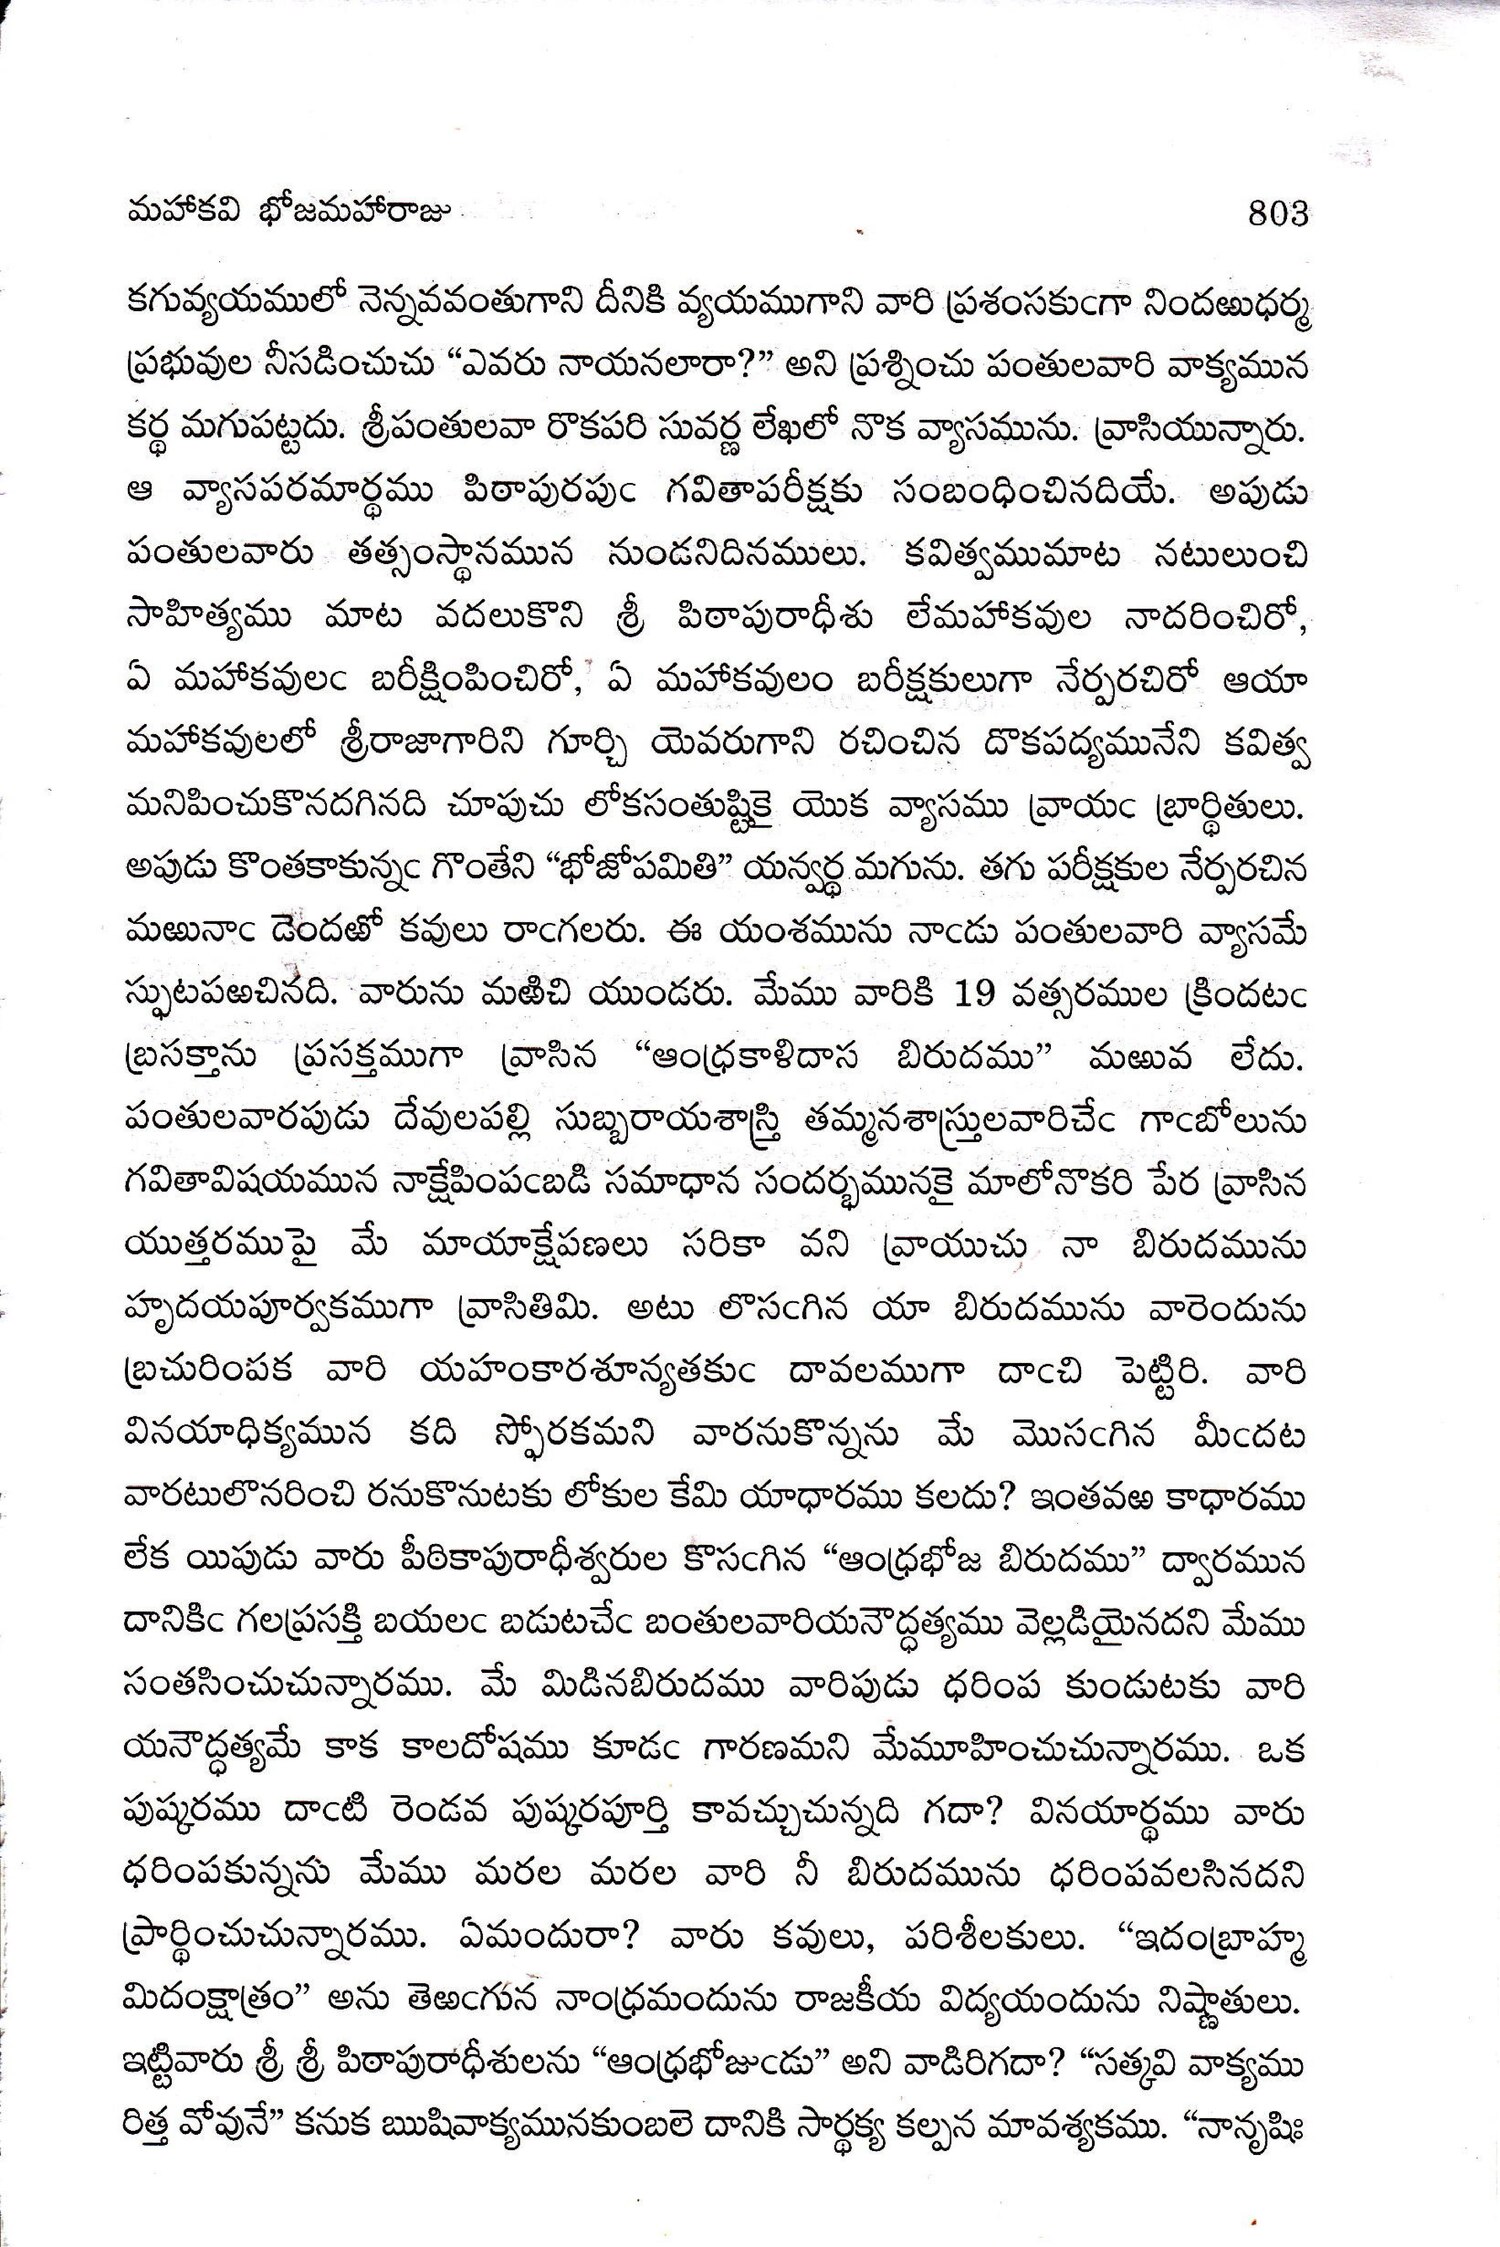కగువ్యయములో నెన్నవవంతుగాని దీనికి వ్యయముగాని వారి ప్రశంసకుఁగా నిందఱుధర్మ ప్రభువుల నీసడించుచు “ఎవరు నాయనలారా?" అని ప్రశ్నించు పంతులవారి వాక్యమున కర్థ మగుపట్టదు. శ్రీపంతులవా రొకపరి సువర్ణ లేఖలో నొక వ్యాసమును. వ్రాసియున్నారు. ఆ వ్యాసపరమార్ధము పిఠాపురపుc గవితాపరీక్షకు సంబంధించినదియే. అపుడు పంతులవారు తత్సంస్థానమున నుండనిదినములు. కవిత్వముమాట నటులుంచి సాహిత్యము మాట వదలుకొని శ్రీ పిఠాపురాధీశు లేమహాకవుల నాదరించిరో, ఏ మహాకవులఁ బరీక్షింపించిరో, ఏ మహాకవులం బరీక్షకులుగా నేర్పరచిరో ఆయా మహాకవులలో శ్రీరాజాగారిని గూర్చి యెవరుగాని రచించిన దొకపద్యమునేని కవిత్వ మనిపించుకొనదగినది చూపుచు లోకసంతుష్టికై యొక వ్యాసము వ్రాయఁ బ్రార్థితులు. అపుడు కొంతకాకున్నఁ గొంతేని "భోజోపమితి" యన్వర్థ మగును. తగు పరీక్షకుల నేర్పరచిన మఱునాఁ డెందఱో కవులు రాఁగలరు. ఈ యంశమును నాఁడు పంతులవారి వ్యాసమే స్ఫుటపఱచినది. వారును మఱిచి యుండరు. మేము వారికి 19 వత్సరముల క్రిందటఁ బ్రసక్తాను ప్రసక్తముగా వ్రాసిన “ఆంధ్రకాళిదాస బిరుదము" మఱువ లేదు. పంతులవారపుడు దేవులపల్లి సుబ్బరాయశాస్త్రి తమ్మనశాస్త్రులవారిచేఁ గాఁబోలును గవితావిషయమున నాక్షేపింపఁబడి సమాధాన సందర్భమునకై మాలోనొకరి పేర వ్రాసిన యుత్తరముపై మే మాయాక్షేపణలు సరికా వని వ్రాయుచు నా బిరుదమును హృదయపూర్వకముగా వ్రాసితిమి. అటు లొసఁగిన యా బిరుదమును వారెందును బ్రచురింపక వారి యహంకారశూన్యతకుఁ దావలముగా దాఁచి పెట్టిరి. వారి వినయాధిక్యమున కది స్ఫోరకమని వారనుకొన్నను మే మొసఁగిన మీఁదట వారటులొనరించి రనుకొనుటకు లోకుల కేమి యాధారము కలదు? ఇంతవఱ కాధారము లేక యిపుడు వారు పీఠికాపురాధీశ్వరుల కొసఁగిన "ఆంధ్రభోజ బిరుదము" ద్వారమున దానికిఁ గలప్రసక్తి బయలఁ బడుటచేఁ బంతులవారియనౌద్ధత్యము వెల్లడియైనదని మేము సంతసించుచున్నారము. మే మిడినబిరుదము వారిపుడు ధరింప కుండుటకు వారి యనౌద్ధత్యమే కాక కాలదోషము కూడఁ గారణమని మేమూహించుచున్నారము. ఒక పుష్కరము దాఁటి రెండవ పుష్కరపూర్తి కావచ్చుచున్నది గదా? వినయార్ధము వారు ధరింపకున్నను మేము మరల మరల వారి నీ బిరుదమును ధరింపవలసినదని ప్రార్థించుచున్నారము. ఏమందురా? వారు కవులు, పరిశీలకులు. “ఇదంబ్రాహ్మ మిదంక్షాత్రం" అను తెఱఁగున నాంధ్రమందును రాజకీయ విద్యయందును నిష్ణాతులు. ఇట్టివారు శ్రీ శ్రీ పిఠాపురాధీశులను “ఆంధ్రభోజుఁడు" అని వాడిరిగదా? “సత్కవి వాక్యము రిత్త వోవునే" కనుక ఋషివాక్యమునకుంబలె దానికి సార్థక్య కల్పన మావశ్యకము. "నానృషిః